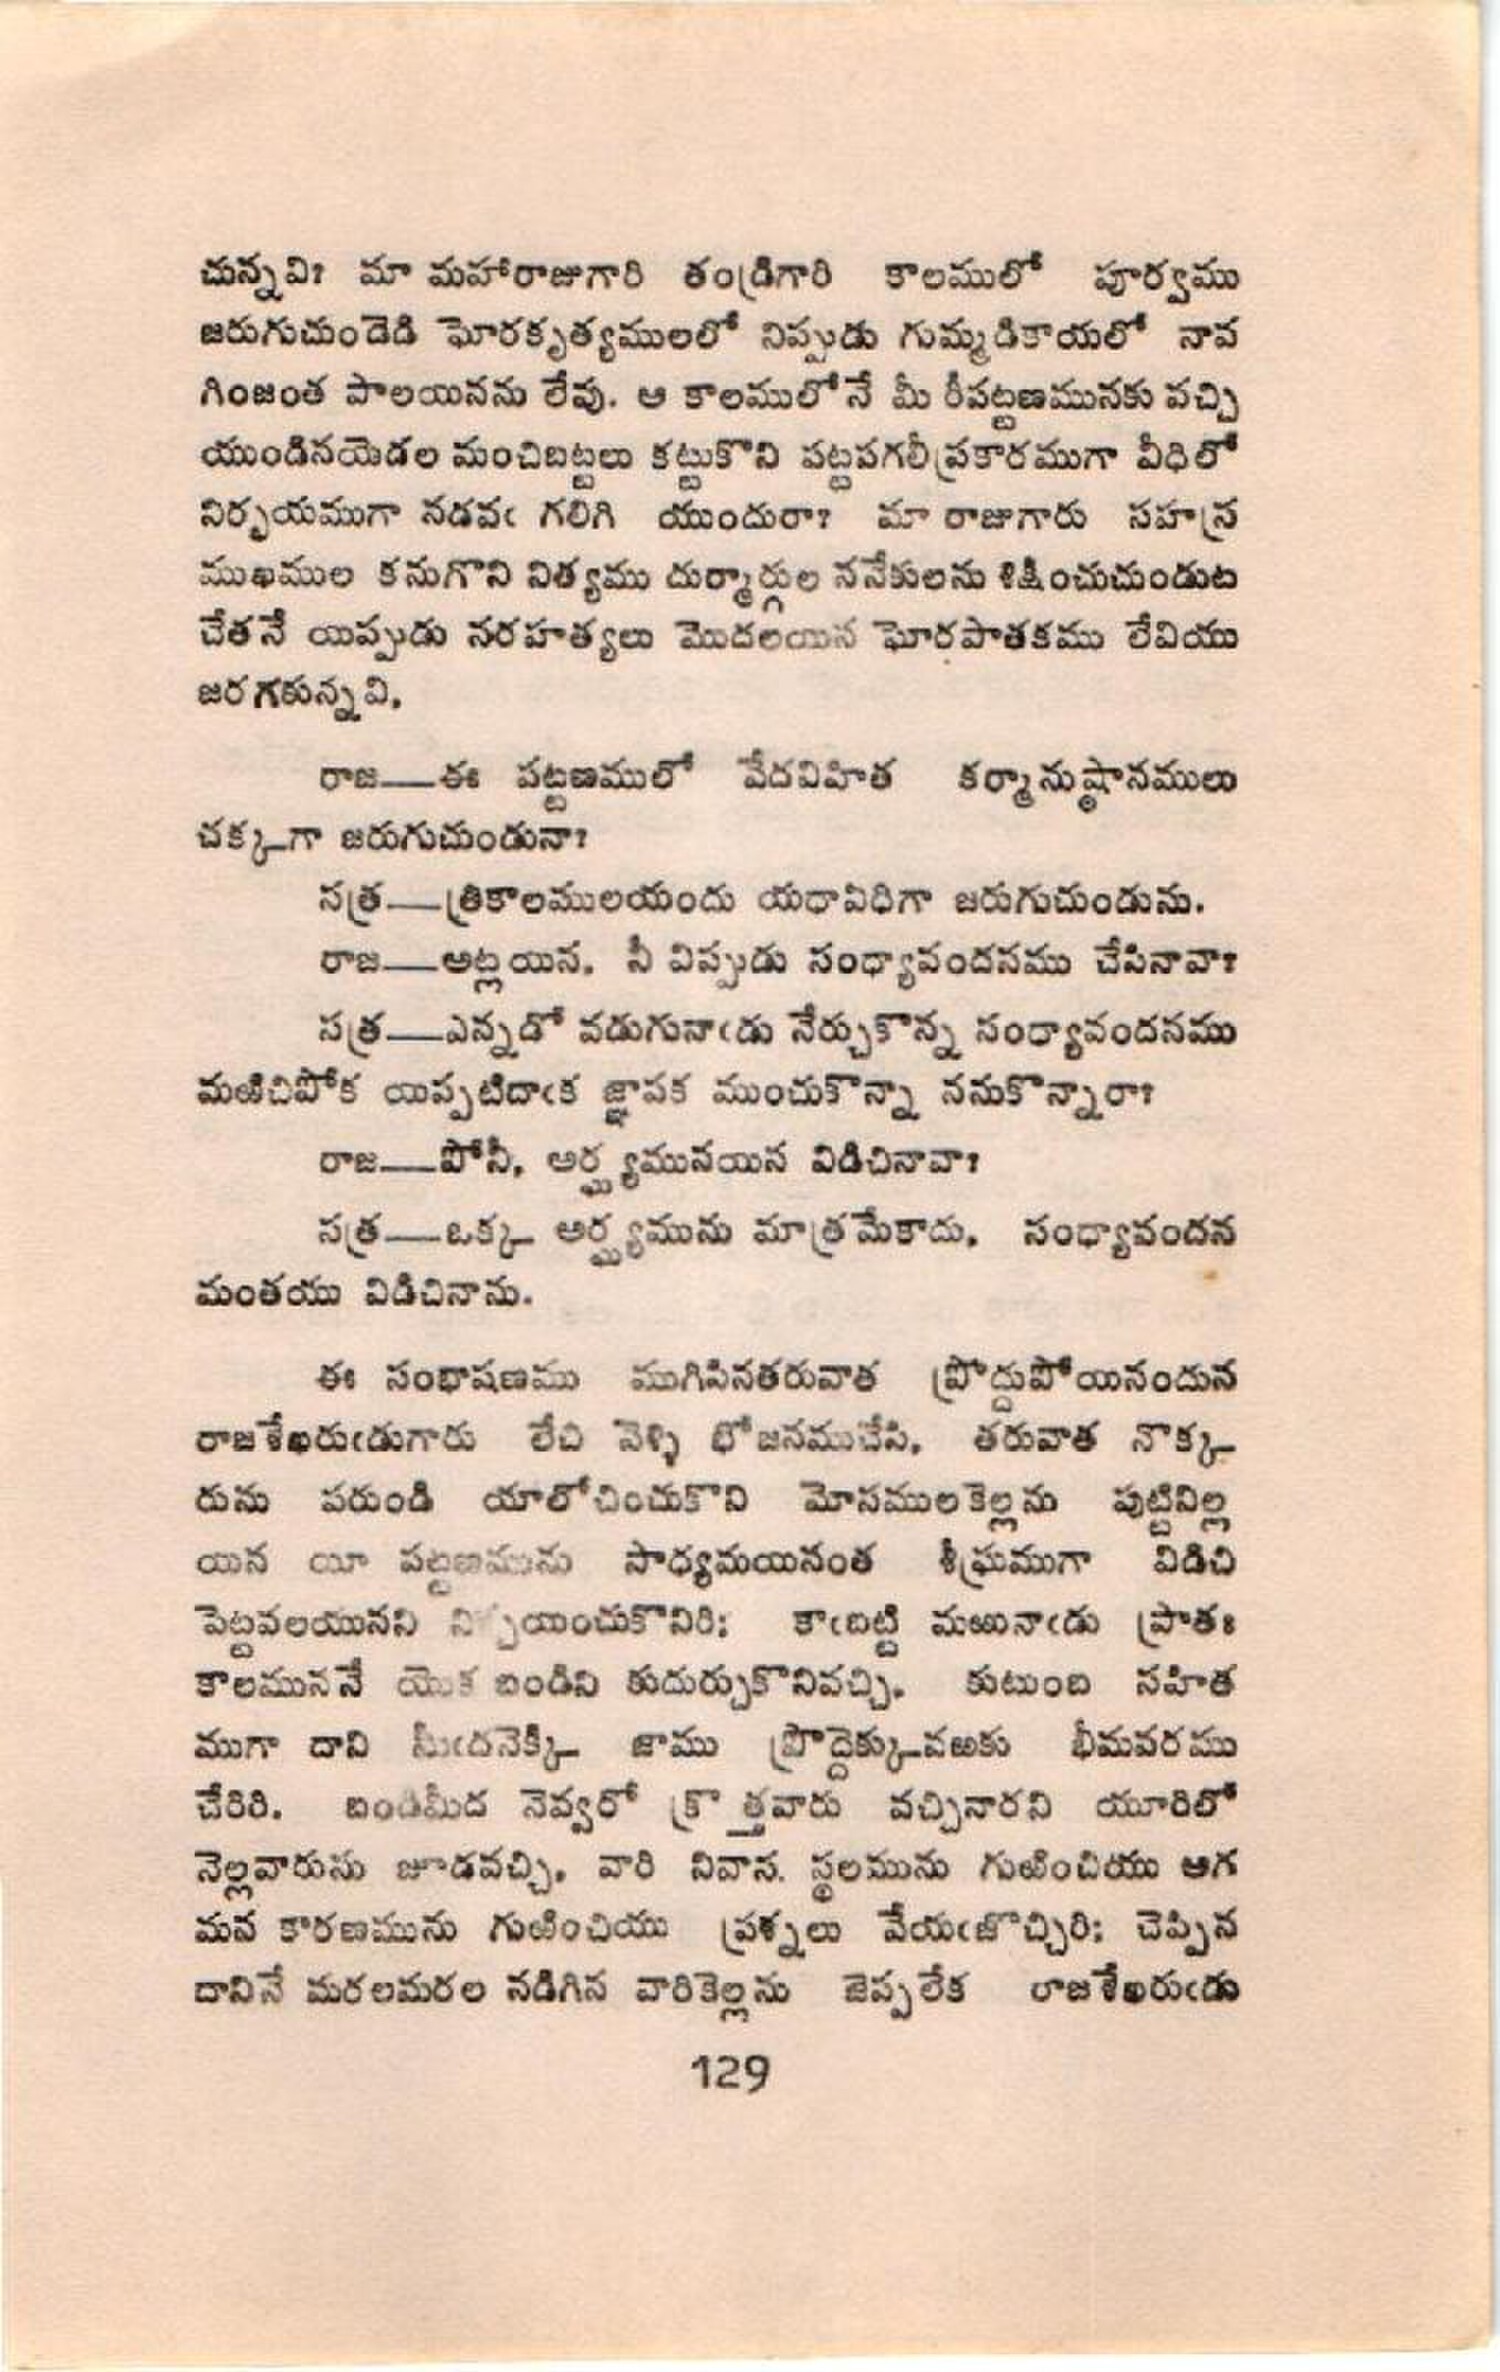చున్నవి? మా మహారాజుగారి తండ్రిగారి కాలములో పూర్వము జరుగుచుండెడి ఘోరకృత్యములలో నిప్పుడు గుమ్మడికాయలో నావ గింజంత పాలయినను లేవు. ఆ కాలములోనే మీ రీపట్టణమునకు వచ్చి యుండినయెడల మంచిబట్టలు కట్టుకొని పట్టపగలీ ప్రకారముగా వీధిలో నిర్భయముగా నడవఁ గలిగి యందురా? మా రాజుగారు సహస్ర ముఖముల కనుగొని నిత్యము దుర్మార్గుల ననేకులను శిక్షించుచుండుట చేతనే యిప్పుడు నరహత్యలు మొదలయిన ఘోరపాతకము లేవియు జర గకున్నవి.

రాజ__ఈ పట్టణములో వేదవిహిత కర్మానుష్టానములు చక్కగా జరుగుచుండునా?

సత్ర__త్రికాలములయందు యధావిధిగా జరుగుచుండును.

రాజ__ఆట్లయిన, నీ విప్పుడు సంధ్యావందనము చేసినావా?

సత్ర__ఎన్నడో వడుగునాఁడు నేర్చుకొన్న సంధ్యావందనము మఱచి పోక యిప్పటిదాఁక జ్ఞాపక ముంచుకొన్నా ననుకొన్నారా?

రాజ__పోనీ, అర్ఘ్యమునయిన విడిచినావా?

సత్ర__ఒక్క అర్ఘ్యమును మాత్రమేకాదు, సంధ్యావందన మంతయు విడిచినాను.

ఈ సంభాషణము ముగిసినతరువాత ప్రొద్దుపోయినందున రాజశేఖరుఁడుగారు లేచి వెళ్ళి భోజనముచేసి, తరువాత నొక్క రును పరుండి యాలోచించుకొని మోసములకెల్లను పుట్టినిల్ల యిన యీ పట్టణమును సాధ్యమయినంత శీఘ్రముగా విడిచి పెట్టవలయునని నియమించుకొనిరి; కాబట్టి మఱునాఁడు ప్రాతః కాలముననే యెుక బండిని కుదుర్చుకొనివచ్చి, కుటుంబ సహిత ముగా దాని మీదనెక్కి జాము ప్రొద్దెక్కువఱకు భీమవరము చేరిరి. బండిమీద నెవ్వరో క్రొత్తవారు వచ్చినారని యూరిలో నెల్లవారును జూడవచ్చి, వారి నివాస స్థలమును గుఱించియు ఆగమన కారణమును గుణించియు ప్రశ్నలు వేయఁజొచ్చిరి; చెప్పిన దానినే మరలమరల నడిగిన వారికెల్లను జెప్పలేక రాజశేఖరుఁడు